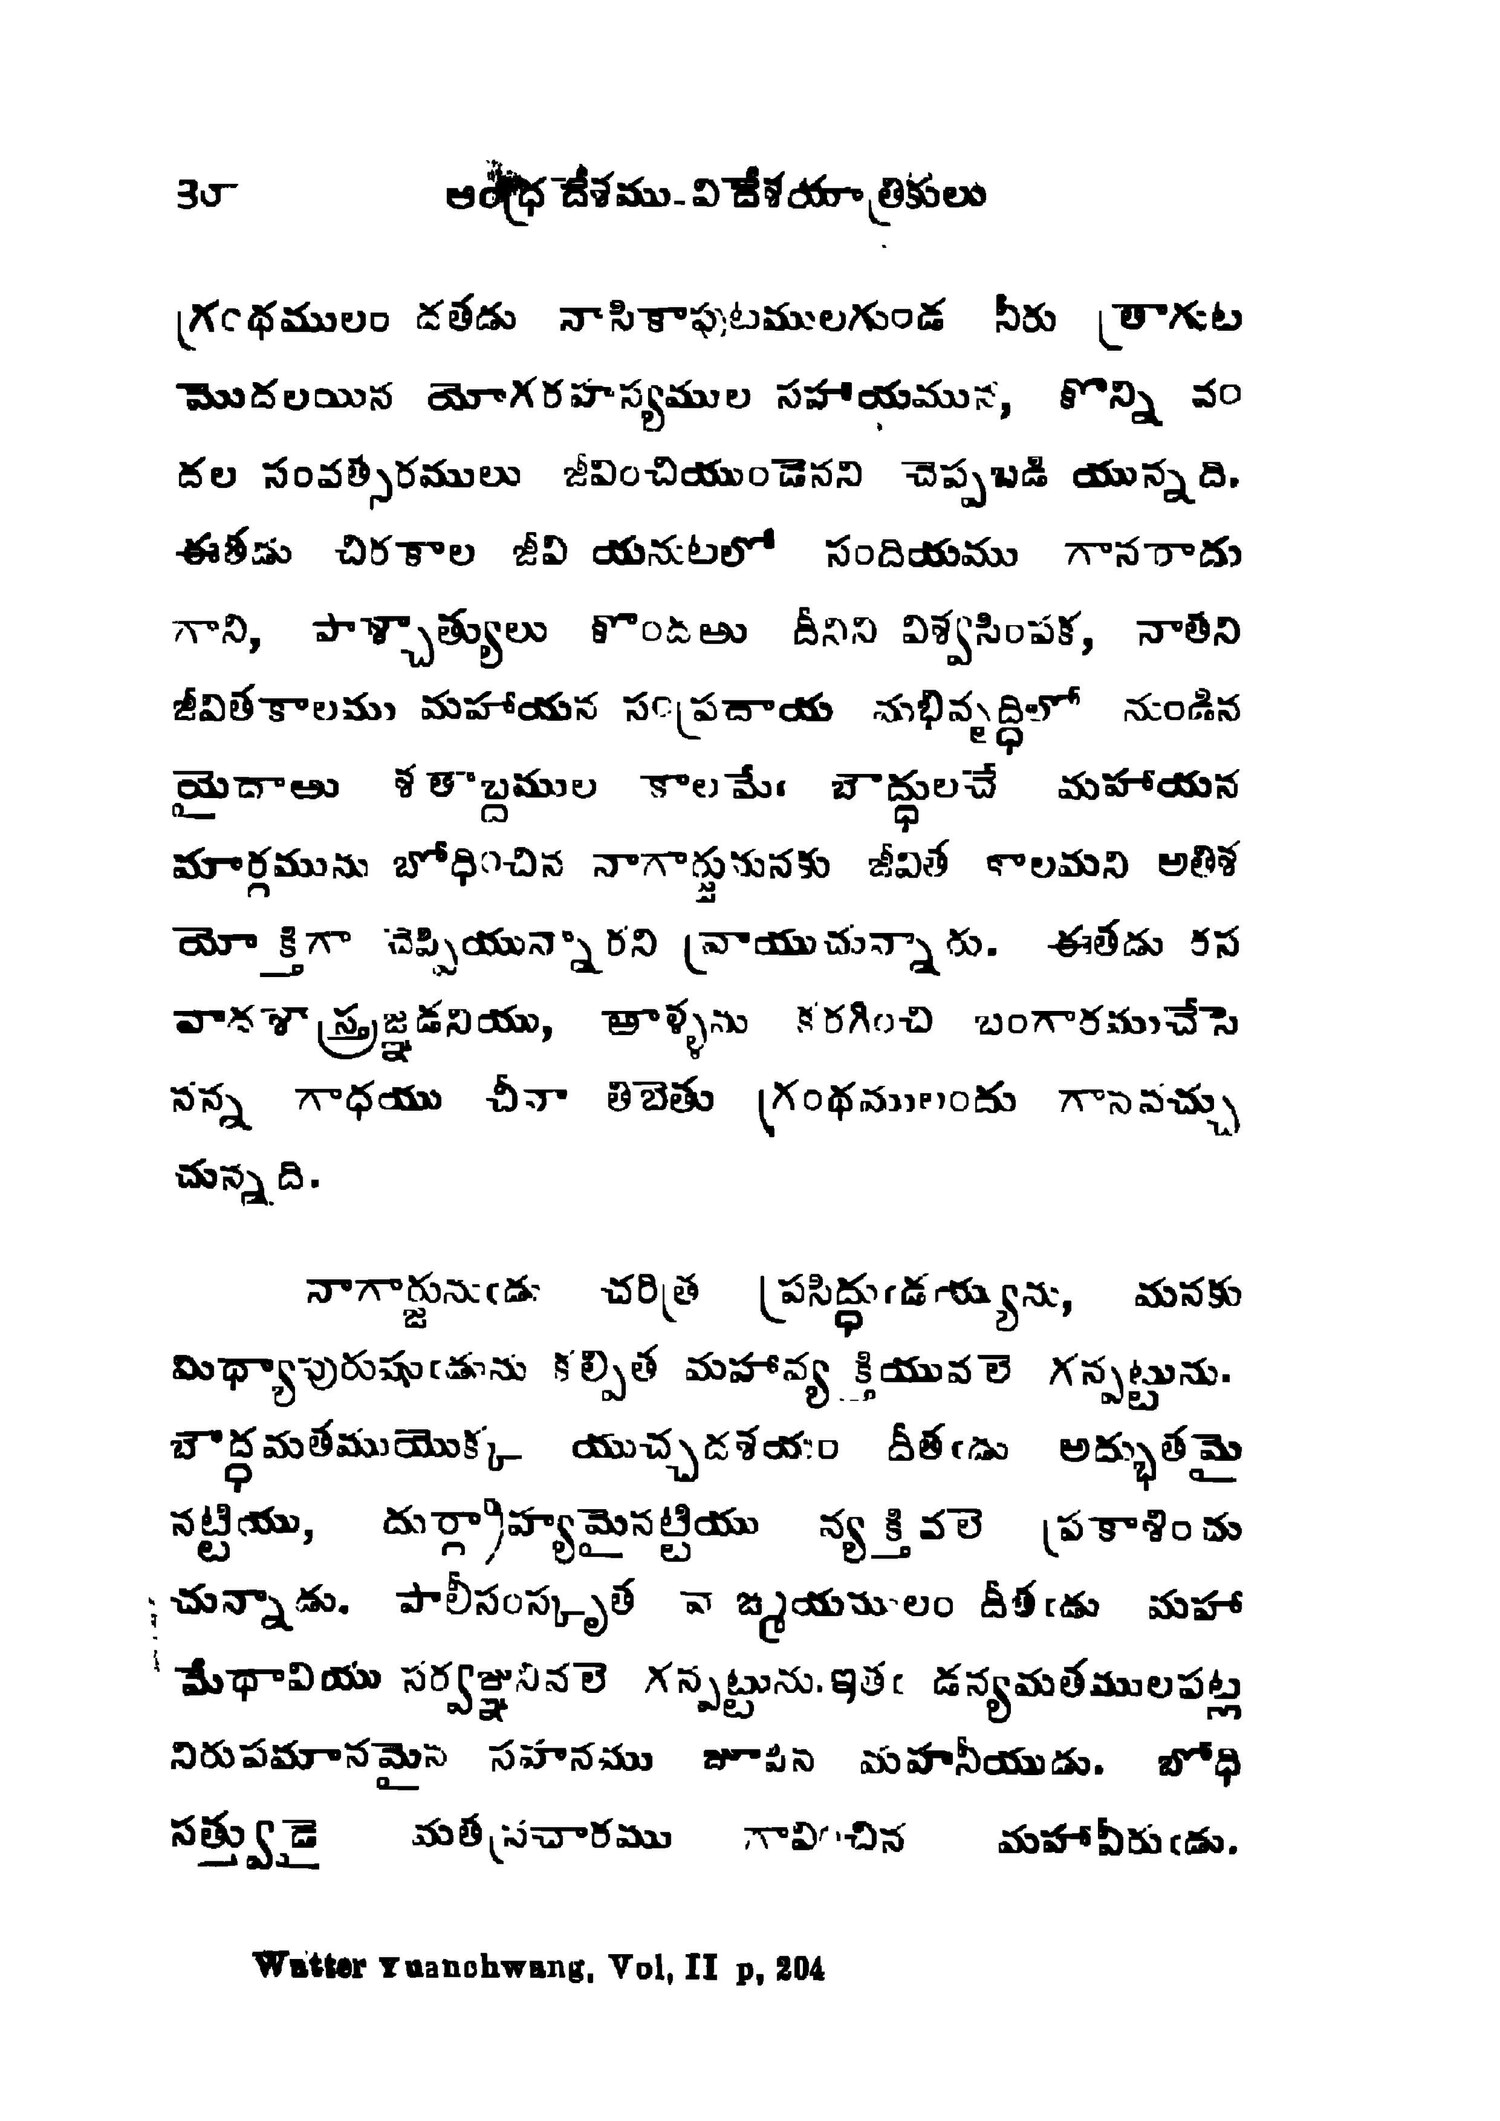గ్రంథములం దతడు నాసికాపుటములగుండ నీరు త్రాగుట మొదలయిన యోగరహస్యముల సహాయమున, కొన్ని వందల సంవత్సరములు జీవించియుండెనని చెప్పబడి యున్నది. ఈతడు చిరకాల జీవియనుటలో సందియము గానరాదు గాని, పాశ్చాత్యులు కొందఱు దీనిని విశ్వసింపక, నాతని జీవితకాలము మహాయన సంప్రదాయ మభివృద్ధిలో నుండిన యైదాఱు శతాబ్దముల కాలమే బౌద్ధులచే మహాయన మార్గమును బోధించిన నాగార్జునునకు జీవిత కాలమని అతిశయోక్తిగా చెప్పియున్నారని వ్రాయుచున్నారు. ఈతడు రసవాదశాస్త్రజ్ఞడనియు, ఱాళ్ళను కరగించి బంగారముచేసెనన్న గాధయు చీనా తిబెతు గ్రంథములందు గానవచ్చుచున్నది.

నాగార్జునుడు చరిత్ర ప్రసిద్ధుడయ్యును, మనకు మిథ్యాపురుషుడును కల్పిత మహావ్యక్తియువలె గన్పట్టును. బౌద్ధమతముయొక్క యుచ్చదశయం దీతడు అద్భుతమైనట్టియు, దుర్గ్రాహ్యమైనట్టియు వ్యక్తివలె ప్రకాశించుచున్నాడు. పాలీసంస్కృత వాఙ్మయములం దీతడు మహామేథావియు సర్వజ్ఞునివలె గన్పట్టును. ఇత డన్యమతములపట్ల నిరుపమానమైన సహనము జూపిన మహనీయుడు. బోధిసత్త్వుడై మతప్రచారము గావించిన మహావీరుడు.

Watter Yuanchwang, Vol, II p, 204